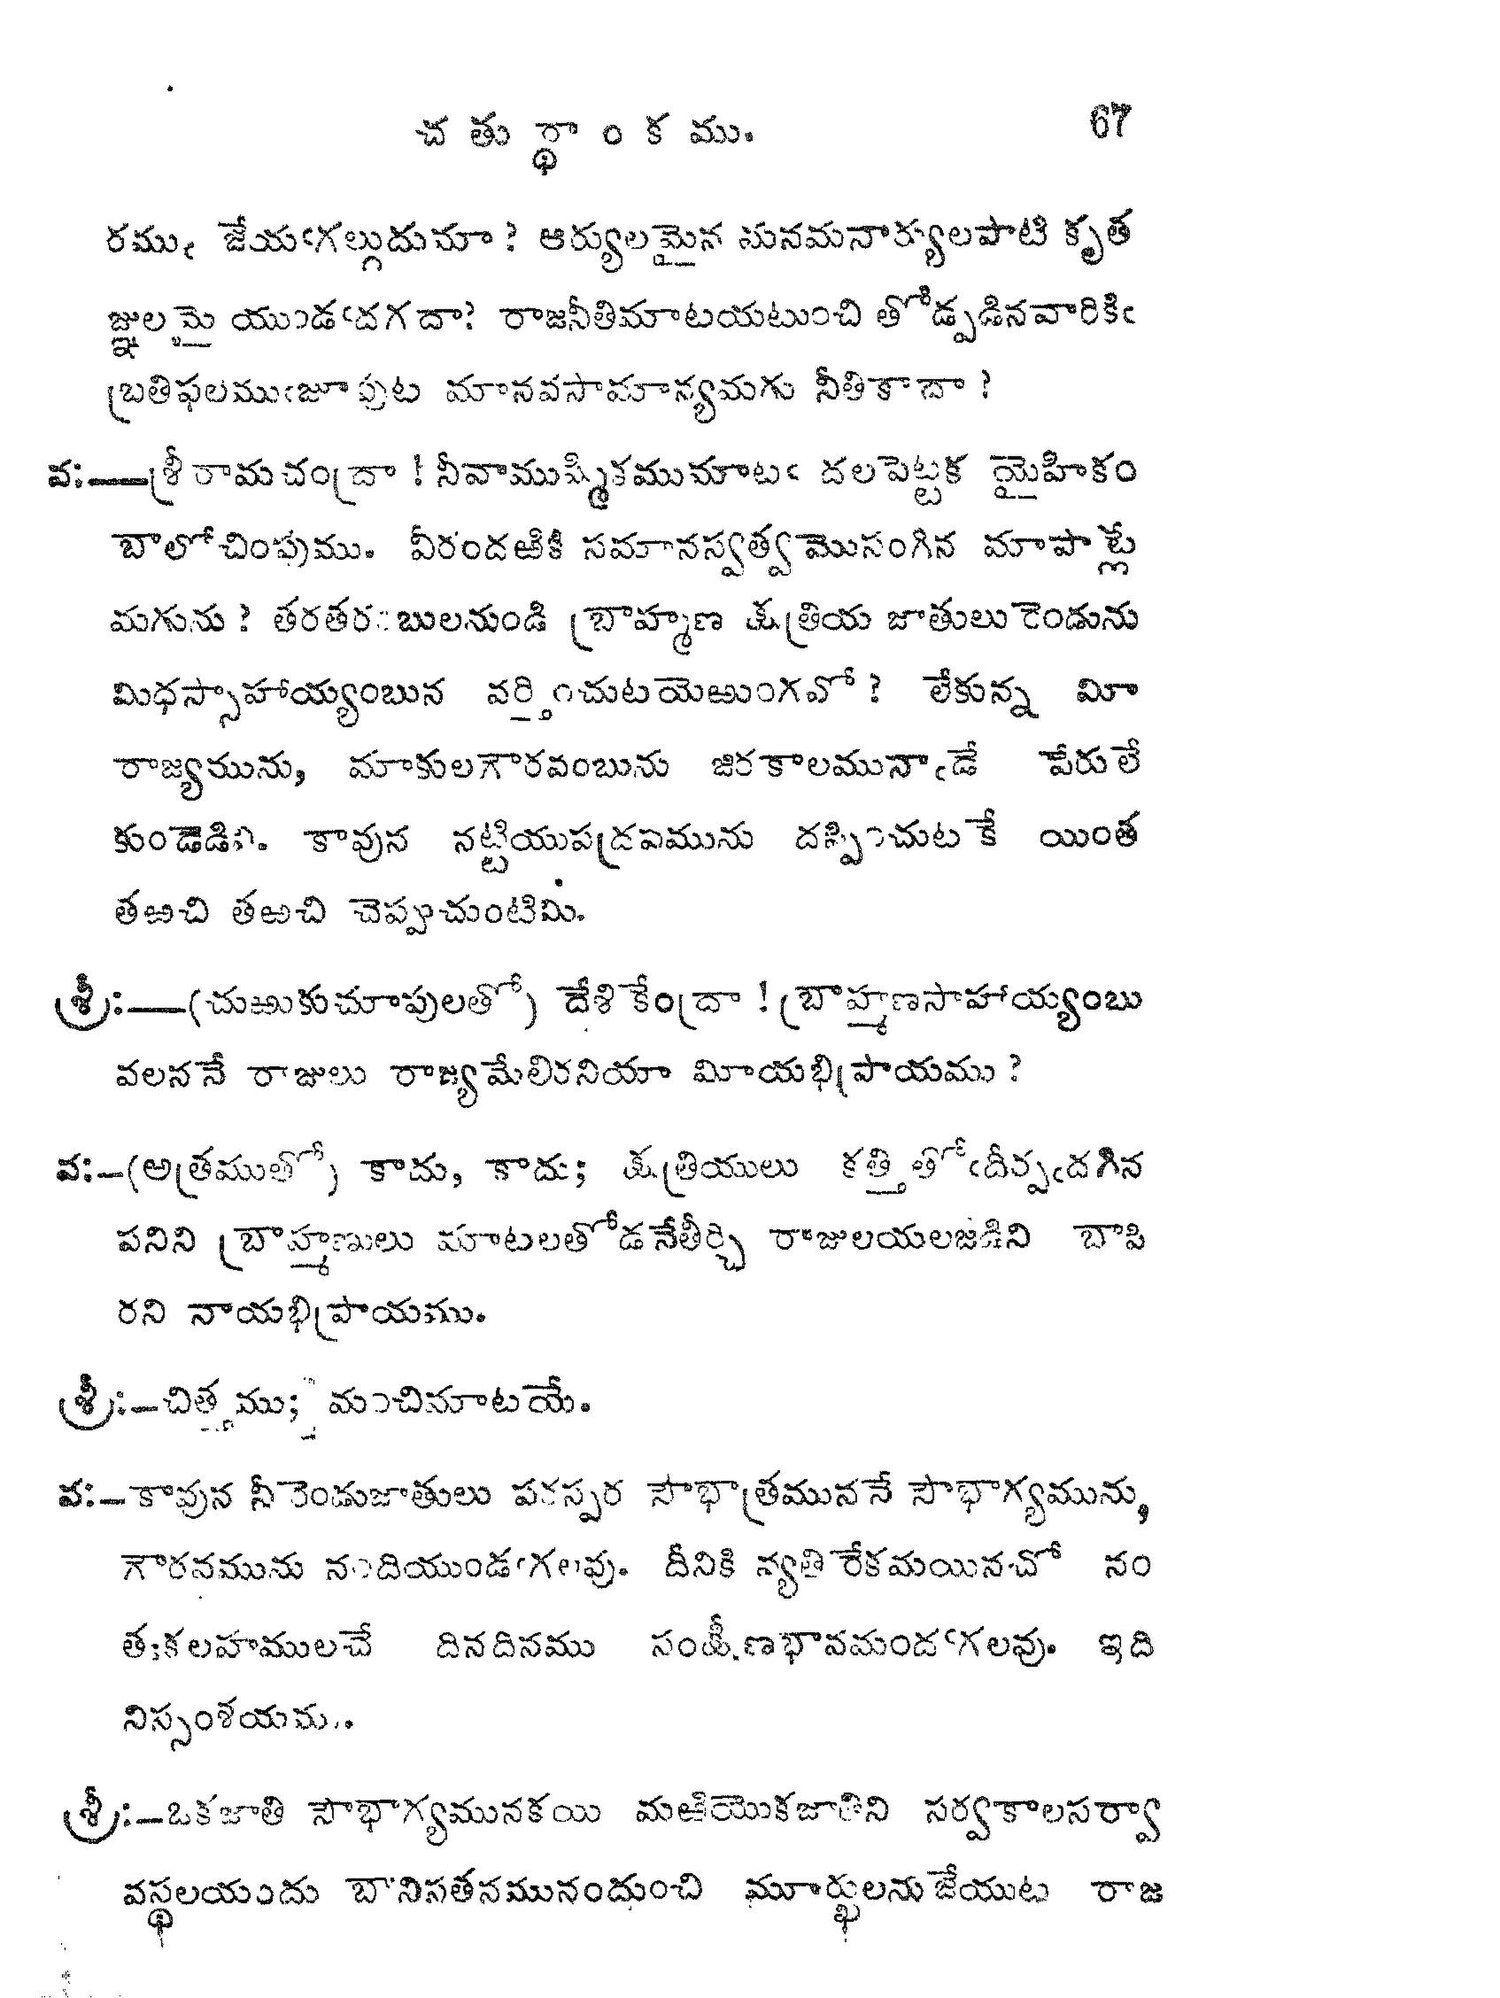రముఁ జేయఁగల్గుదుమా ! ఆర్యులమైన మనమనార్యలపాటి కృత
 జ్ఞులమై యుండఁ దగదా? రాజనీతి మాటయటుంచి తోడ్పడిన వారికి
 బ్రతిఫలముఁ జూపుట మానవ సామాన్యమగు నీతికాదా !

వ:-- శ్రీ రామచంద్రా ! నీవాముష్మికముమాటఁ దలపెట్టక దైహికం
 బాలోచింపుము. వీరందఱికీ సమానస్వత్వ మొసంగిన మాపాట్లే
 మగును ? తరతరం బులనుండి బ్రాహ్మణ క్షత్రియ జాతులు 
 రెండును మిధస్సాహాయ్యంబున వర్తించుట యెఱుంగవో!
 లేకున్న మీరాజ్యమును, మాకుల గౌరవంబును జిరకాలము
 నాడే పేరు లేకుండెడివి. కావున నట్టి యుపద్రవమును దప్పిచు
 టకే యింత తఱచి తఱచి చెప్పు చుంటిమి.

శ్రీ:- (చుఱుకు చూపులతో) దేశి కేంద్రా ! బ్రాహ్మణ సాహాయ్యంబు
 వలన నే రాజులు రాజ్యమేలి ననియా మీ యభి(పాయము ?

వ: (అత్రముతో), కాదు, కాదు; క్షత్రియులు కత్తితో దీర్పఁదగిన
 పనిని బ్రాహ్మణులు మాటలతోడనే తీర్చి రాజుల యలజడిని బాపి
 రని నా యభిప్రాయము.

శ్రీ: చిత్తము; మంచిమాటయే.

వ: కావున నీ రెండుజాతులు పశస్పర సౌభాత్రముననే సౌభాగ్యమును,
 గౌరనమును నదియుండఁగఁవు. దీనికి వ్యతి రేకమయినచో నం
 తఃకలహములచే దినదినము సంక్షీణ భానమండఁగలవు. ఇది
 నిస్సంశయము.

శ్రీ:ఒక జాతి సౌభాగ్యమున కయి మఱి యొక జాతిని సర్వకాలసర్వా
 వస్థలయందు బానిస తనము నందుంచి మూర్ఖులను జేయుట రాజ